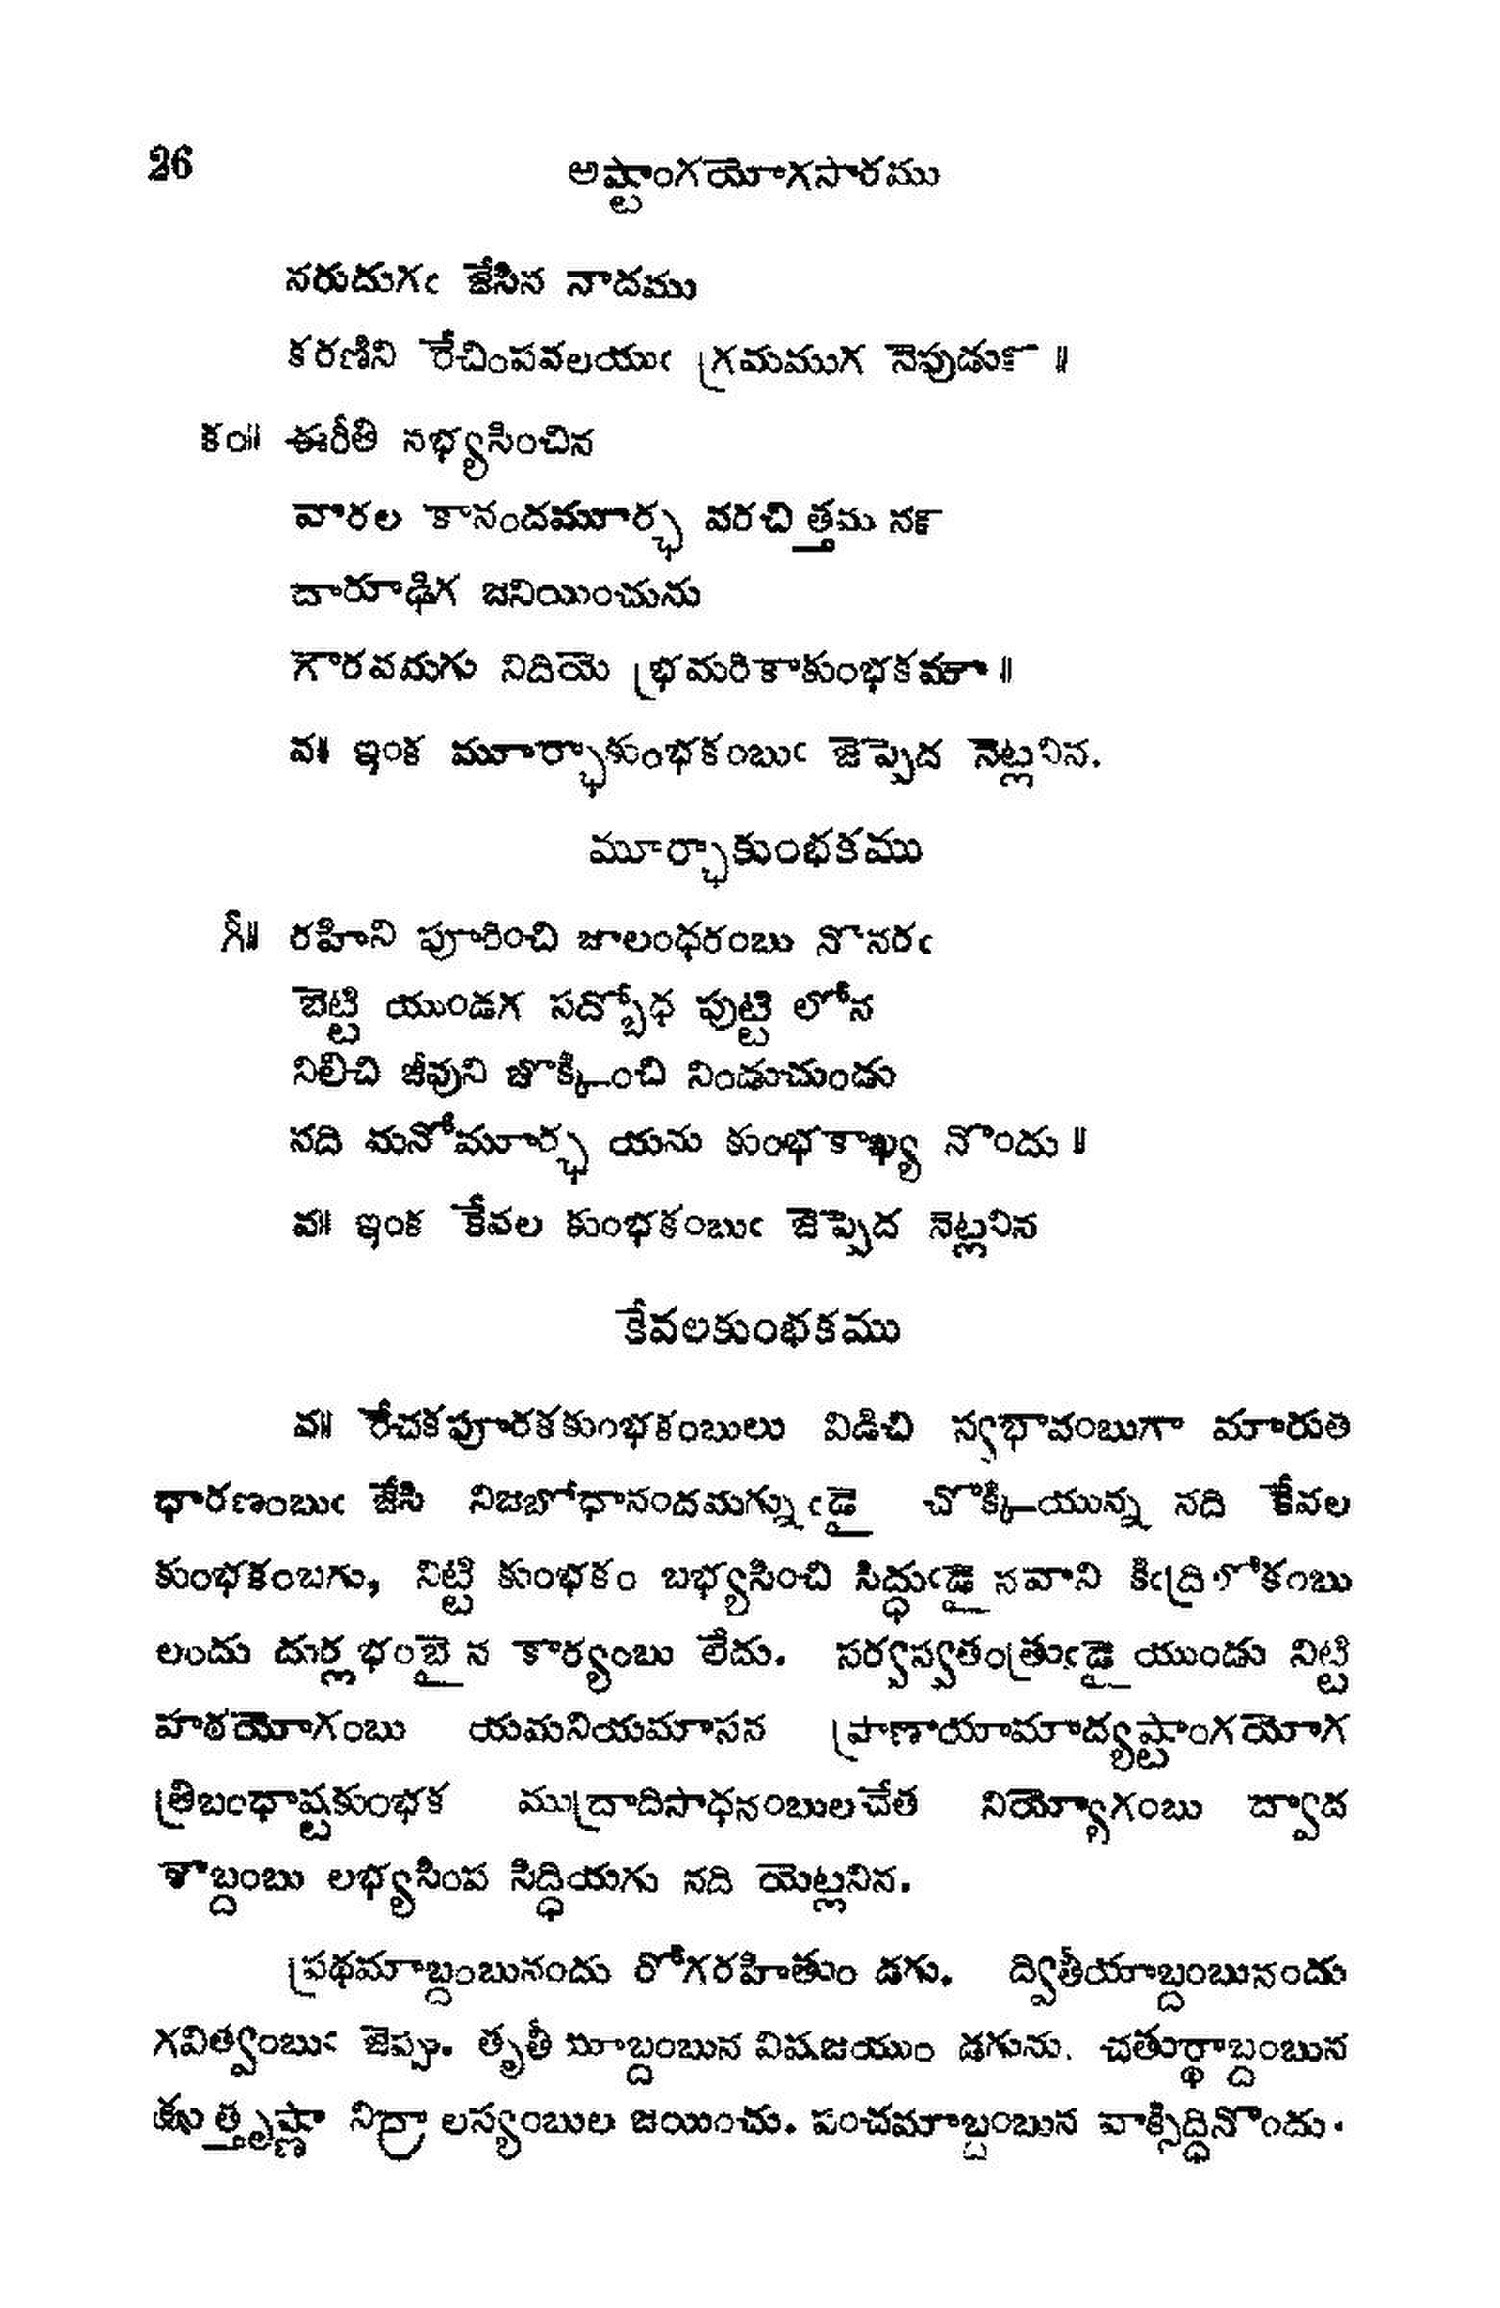నరుదుగఁ జేసిన నాదము
 కరణిని రేచింపవలయుఁ గ్రమముగ నెపుడున్.
క. ఈరీతి నభ్యసించిన
 వారల కానందమూర్ఛ వరచిత్తమునన్
 దారూఢిగ జనియించును
 గౌరవమగు నిదియె భ్రమరికాకుంభకమౌ.
 వ. ఇంక మూర్ఛాకుంభకంబుఁ జెప్పెద నెట్లనిన.

గీ. రహిని పూరించి జాలంధరంబు నొనరఁ
 బెట్టి యుండగ సద్బోధ పుట్టి లోన
 నిలిచి జీవుని జొక్కించి నిండుచుండు
 నది మనోమూర్ఛ యను కుంభకాఖ్య నొందు.
 వ. ఇంక కేవలకుంభకంబుఁ జెప్పెద నెట్లలిన

వ. రేచకపూరకకుంభకంబులు విడిచి స్వభావంబుగా మారుతధారణంబుఁ జేసి నిజబోధానందమగ్నుఁడై చొక్కియున్న నది కేవలకుంభకంబగు, నిట్టి కుంభకం బభ్యసించి సిద్ధుఁడైనవానికిఁ ద్రిలోకంబులందు దుర్లభంబై న కార్యంబు లేదు. సర్వస్వతంత్రుఁడై యుండు నిట్టి హఠయోగంబు యమనియమాసన
ప్రాణాయామాద్యష్టాంగయోగ త్రిబంధాష్టకుంభక ముద్రాదిసాధనంబులచేత నియ్యోగంబు ద్వాదశాబ్దంబు లభ్యసింప సిద్ధియగు నది యెట్లనిన.

ప్రథమాబ్దంబునందు రోగరహితుం డగు. ద్వితీయాబ్దంబునందు గవిత్వంబుఁ జెప్పు. తృతీయాబ్దంబున విషజయుం డగును. చతుర్ధాబ్దంబున క్షుత్తృష్ణానిద్రాలస్యంబుల జయించు. పంచమాబ్దంబున వాక్సిద్ధినొందు.